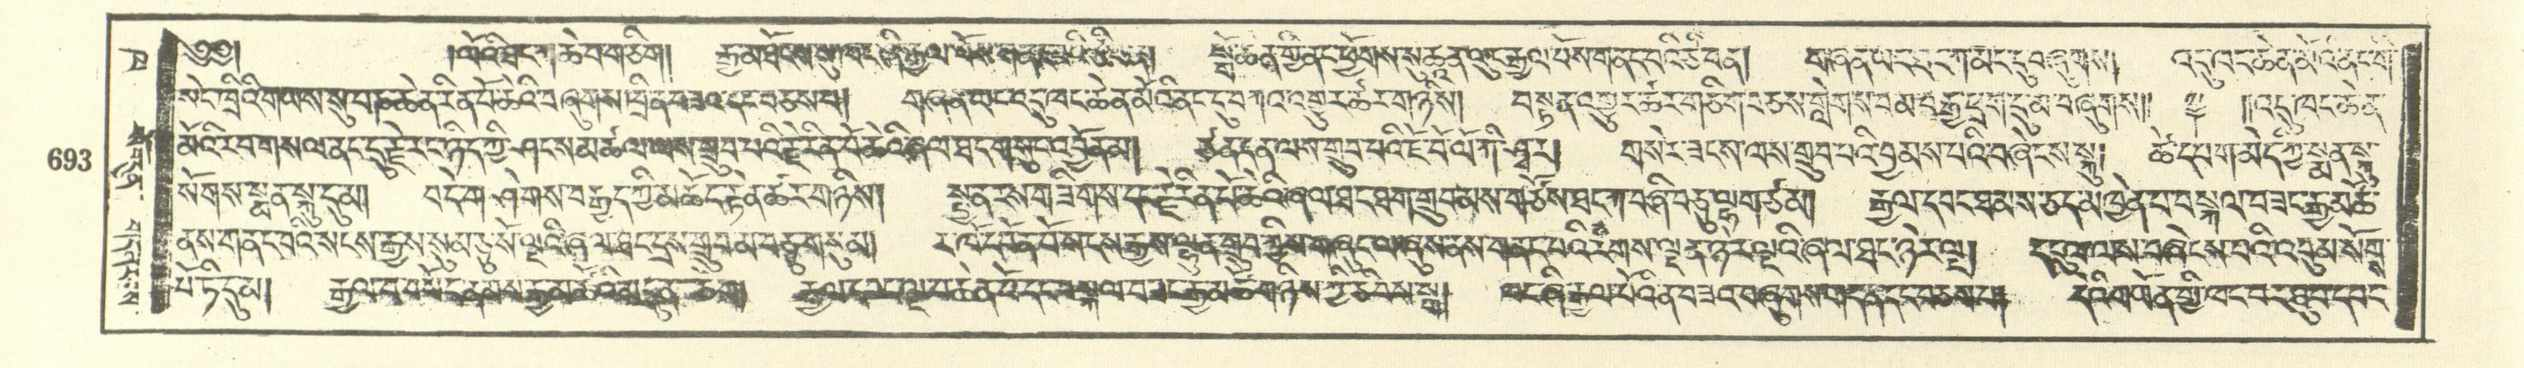༄༅། །ལོའི་ཐང་ཀ་ཆེ་བ་གཅིག། རྒྱ་མ་ཐོངས་སུ་ཁང་ཞི་རྒྱལ་པོས་གནང་བའི་ཙི་བན། སྒོ་ཆེན་གྱི་ནང་ཕྱོགས་སུ་ཆཱན་ལུང་རྒྱལ་པོས་གནང་བའི་ཙི་བན། གཞན་ཡང་ཐང་ཀ་མང་དུ་བཞུགས། འདུ་ཁང་ཆེན་མོའི་ནང་གི་
སེང་ཁྲིའི་གཡས་སུ་པཎ་ཆེན་རིན་པོ་ཆེའི་བཞུགས་ཁྲིན་བཟའ་དང་བཅས་པ། གཞན་ཡང་འདུ་ཁང་ཆེན་མོའི་ནང་དུ་བཀའ་འགྱུར་ཚག་གཉིས། བསྟན་འགྱུར་ཚར་གཅིག་བཅས་གླེགས་བ་མ་བརྒྱ་ཕྲག་དུ་མ་བཞུགས།། ༈ །།འདུ་ཁང་ཆེན་
མོའི་རབ་གསལ་ནང་དུ་རྗེ་རང་ཉིད་ཀྱི་ཤངས་མཚལ་ལས་གྲུབ་པའི་རྗེ་རིན་པོ་ཆེའི་ཞལ་ཐང་གསུང་འབྱོན་མ། ཙན་དན་ལས་གྲུབ་པའི་ཇོ་བོ་ལོ་ཀི་ཤྭ་ར། གསེར་ཟངས་ལས་གྲུབ་པའི་བྱམས་པའི་བཞེངས་སྐུ། ཚེ་དཔག་མེད་ཀྱི་སྨན་སྐུ་
སོགས་སྨན་སྐུ་དུ་མ། བདེ་གཤེགས་བརྒྱད་ཀྱི་མཆོད་རྟེན་ཚར་གཉིས། སྤྱན་རས་གཟིགས་དང་རྗེ་རིན་པོ་ཆེའི་ཞལ་ཐང་ཐག་གྲུབ་མས་གཙོས་ཐང་ཀ་བཞི་བཅུ་ལྷག་ཙམ། རྒྱལ་དབང་ཐམས་ཅད་མཁྱེན་པ་བསྐལ་བཟང་རྒྱ་མཚོ་
ནས་གནང་བའི་སངས་རྒྱས་སུམ་ཅུ་སོ་ལྔའི་ཞལ་ཐང་དྲས་གྲུབ་མ་བཅུ་གསུམ། ར་ཁོ་དབོན་པོ་སངས་རྒྱས་ལྷུན་གྲུབ་ཀྱིས་གཞུང་ལ་ཞུས་ནས་གནང་པའི་རིགས་ལྡན་ཉེར་ལྔའི་ཞལ་ཐང་ཉེར་ལྔ། དངུལ་ལས་བཞེངས་པའི་འབུམ་སོགས་
པོ་ཏི་དུ་མ། རྒྱལ་བ་བསོད་ནམས་རྒྱ་མཚོའི་མདུན་ཅོག། རྒྱལ་དབང་ལྔ་པ་ཆེན་པོ་དང་བསྐལ་བཟང་རྒྱ་མཚོ་གཉིས་ཀྱི་ཆིབས་སྒ། ཁང་ཞི་རྒྱལ་པོའི་ན་བཟའ་བཞུགས་གདན་དང་བཅས་པ། དེའི་གཡོན་གྱི་ཁང་བར་ཐུབ་དབང་